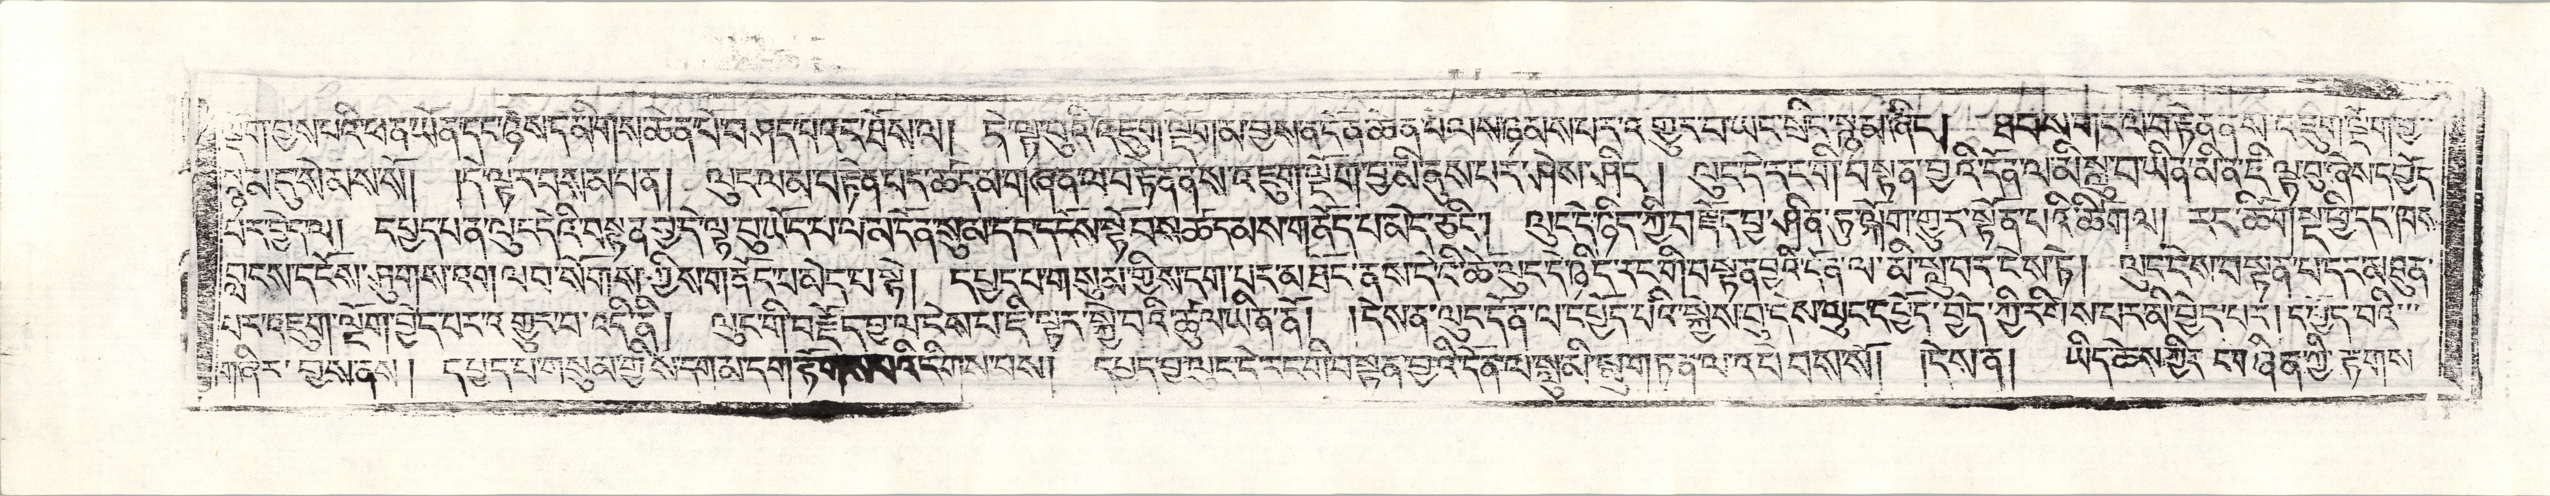ལྡོག་བྱས་པའི་ཕན་ཡོན་དང་ཉེས་དམིགས་ཆེན་པོ་བཤད་པའང་ཐོས་ལ། དེ་ལྟ་བུའི་འཇུག་ལྡོག་མ་བྱས་ན་དོན་ཆེན་པོ་ལས་ཉམས་པར་འགྱུར་བ་ཡང་སྲིད་སྙམ་ཞིང་། ཐབས་གང་ལ་བརྟེན་ནས་འཇུག་ལྡོག་བྱ་
སྙམ་དུ་སེམས་སོ། །དེ་ལྟར་བསམ་པ་ན། ལུང་ལ་མ་བརྟེན་པར་ཚད་མ་གཞན་ལ་བརྟེན་ནས་འཇུག་ལྡོག་བྱ་མི་ནུས་པར་ཤེས་ཤིང་། ལུང་དེ་རང་གི་བསྟན་བྱའི་དོན་ལ་མི་སླུ་བ་ཡིན་མིན་ཇི་ལྟ་བུ་ཞེས་དཔྱོད་
པར་བྱེད་ལ། དཔྱད་པ་ན་ལུང་དེའི་བསྟན་བྱ་དེ་ལྟ་བུ་ཡོད་པ་ལ་མངོན་སུམ་དང་དངོས་སྟོབས་ཚད་མས་གནོད་པ་མེད་ཅིང་། ལུང་དེ་ཉིད་ཀྱི་བརྗོད་བྱ་ཤིན་ཏུ་ལྐོག་གྱུར་སྟོན་པའི་ཚིག་ལ། རང་ཚིག་སྔ་ཕྱི་དང་ཁས་
བླངས་དངོས་ཤུགས་འགལ་བ་སོགས་ཀྱིས་གནོད་པ་མེད་པ་སྟེ། དཔྱད་པ་གསུམ་གྱིས་དག་པར་མཐོང་ནས་དེའི་ཚེ་ལུང་དེ་ཉིད་རང་གི་བསྟན་བྱའི་དོན་ལ་མི་སླུ་བར་ངེས་ཏེ། ལུང་དེས་བསྟན་པ་དང་མཐུན་
པར་འཇུག་ལྡོག་བྱེད་པར་འགྱུར་བ་འདི་ནི། ལུང་གི་བརྗོད་བྱ་ལ་ངེས་པ་ཇི་ལྟར་སྐྱེ་བའི་ཚུལ་ཡིན་ནོ། །དེས་ན་ལུང་དོན་ལ་དཔྱོད་པའི་སྐྱེས་བུ་དེས་ལུང་དཔྱོད་བྱེད་ཀྱི་རིགས་པར་མི་བྱེད་པར། དཔྱོད་པའི་
གཞིར་བྱས་ནས། དཔྱད་པ་གསུམ་གྱིས་དག་མ་དག་རྟོགས་པའི་རིགས་པས། དཔྱད་བྱ་ལུང་དེ་རང་གི་བསྟན་བྱའི་དོན་ལ་སླུ་མི་སླུ་གཏན་ལ་འབེབས་སོ། །དེས་ན། ཡིད་ཆེས་ཀྱི་རང་བཞིན་གྱི་རྟགས་